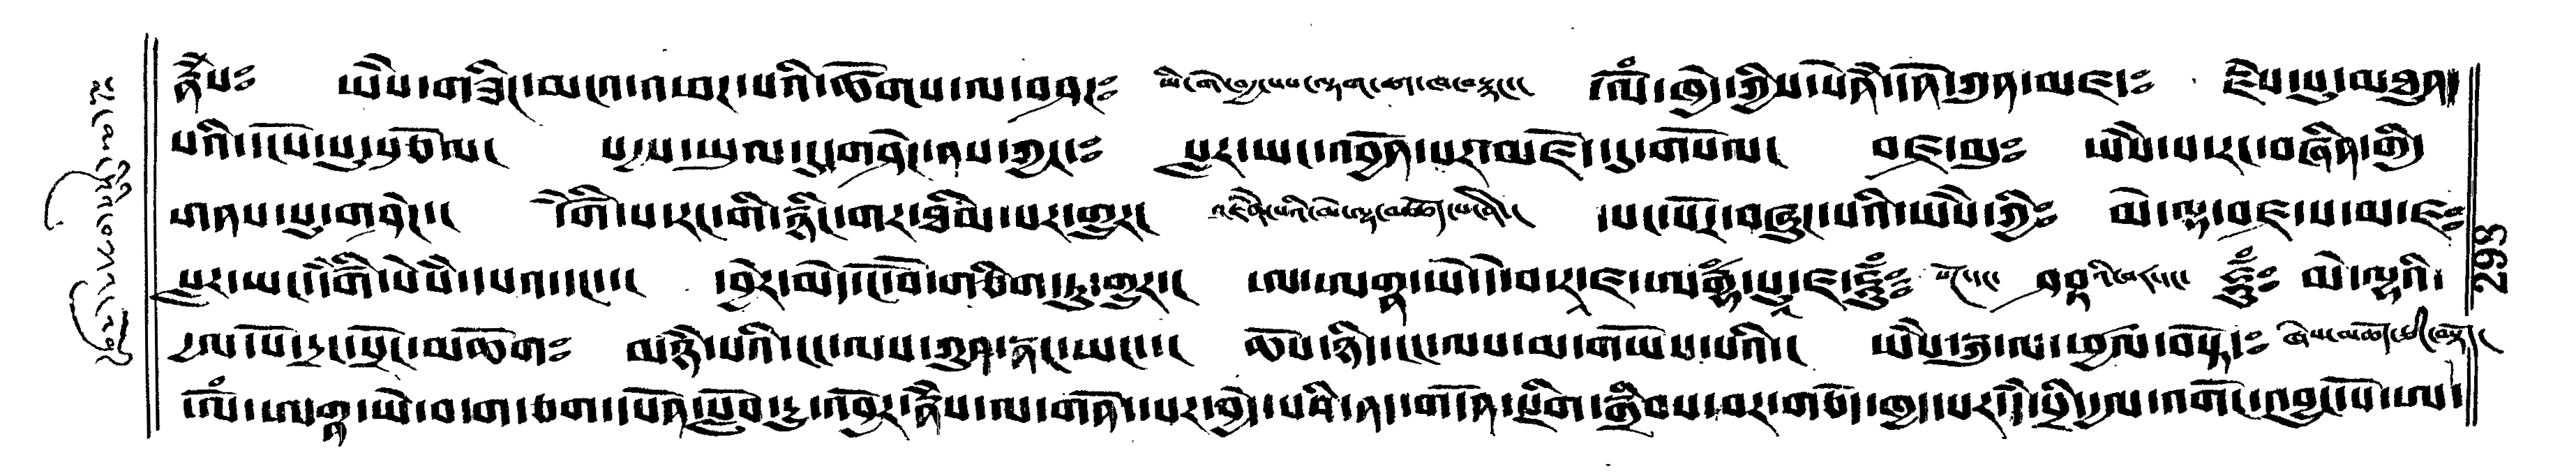རྣམས༔ ཡེ་ཤེས་གཟིགས་མངའ་འཕགས་པའི་ཚོགས་ལ་བཤགས༔ ཡི་གེ་བརྒྱ་པས་ལྷག་ཆད་ཁ་བསྐང་། ཨོཾ༔ཁྱེད་ཀྱིས་སེམས་ཅན་དོན་ཀུན་མཛད༔ རྗེས་སུ་མཐུན་
པའི་དངོས་གྲུབ་བསྩོལ༔ སངས་རྒྱས་ཡུལ་དུ་གཤེགས་ནས་ཀྱང་༔ སླར་ཡང་འབྱོན་པར་མཛད་དུ་གསོལ༔ བཛྲ་མུཿ ཡེ་ཤེས་པ་རང་བཞིན་གྱི་
གནས་སུ་གཤེགས༔ དམ་ཚིག་པ་རང་གི་སྙིང་གར་ཐིམ་པར་གྱུར༔ འཇྀག་རྟེན་པའི་མེ་ལྷ་མཆོད་པ་ནི། དཔང་པོར་བཞུགས་པའི་ཡེ་ཤེས་ཀྱི༔ མེ་ལྷ་བཛྲ་ས་མ་ཛཿ 
སླར་ཡང་དམ་ཚིག་སེམས་དཔའ་དང་༔ དབྱེར་མེད་ངོ་བོ་གཅིག་ཏུ་གྱུར༔ཨ་ཨགྣ་ཡེ་དྷེ་བ་རཱ་ཛ་ཨརྒྷཾ་པུ་ཛ་ཧཱུྃ༔ སོགས་དང་། ཤབྟ འི་བར་དང་། ཧཱུྃ༔ མེ་ལྷའི་
རྒྱལ་པོ་དྲང་སྲོང་མཆོག༔ མཉམ་པའི་ངང་ལས་ཀུན་སྣང་ཡང་༔ ཆོས་ཉིད་ངང་ལས་མ་གཡོས་པའི༔ ཡེ་ཤེས་སྐུ་ལ་ཕྱག་འཚལ་བསྟོད༔ ཞེས་མཆོད་ཅིང་བསྟོད། 
ཨོཾ་ཨགྣ་ཡེ་བདག་ཅག་དཔོན་སློབ་རྒྱུ་སྦྱོར་རྣམས་ལ་གནོད་པར་བྱེད་པའི་ནད་གདོན་སྡིག་སྒྲིབ་བར་གཅོད་ཁྱད་པར་དམ་སྲི་རྒྱལ་འགོང་འབྱུང་པོ་ཨ་